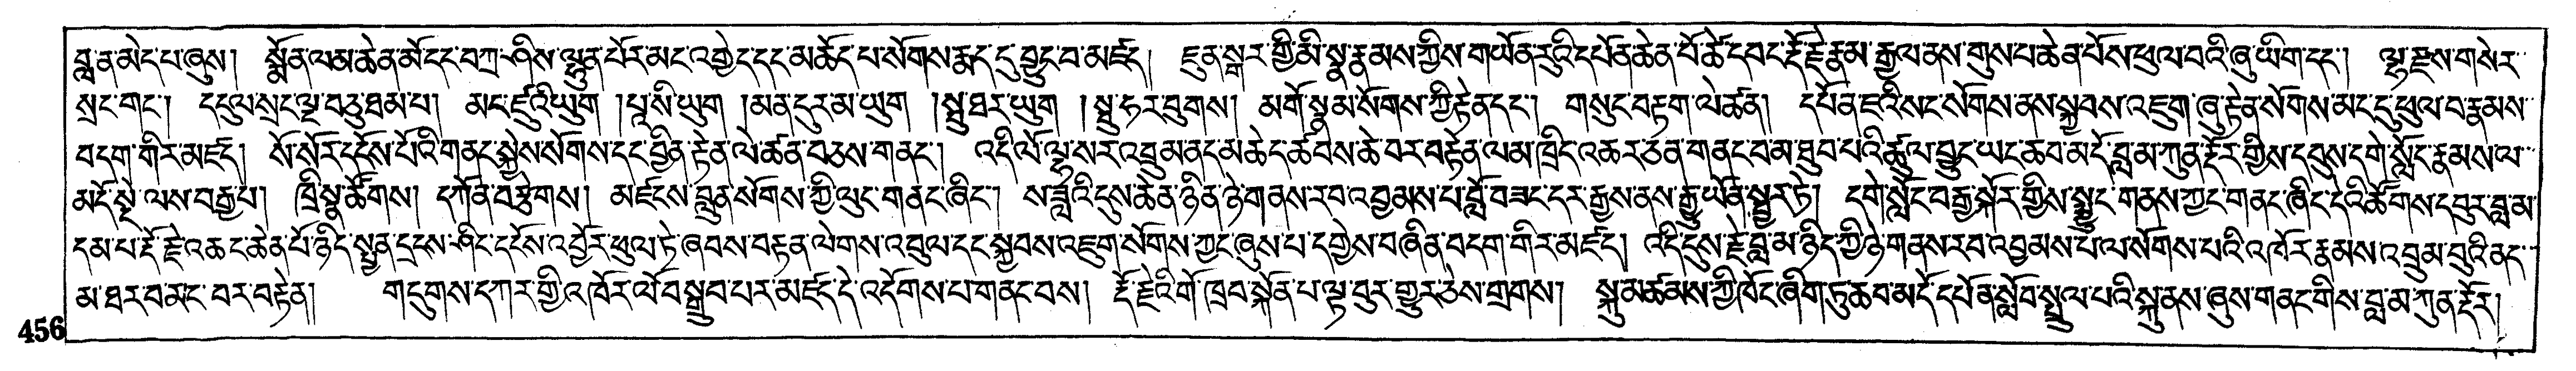བླ་ན་མེད་པ་ཞུས། སྨོན་ལམ་ཆེན་མོ་དང་བཀྲ་ཤིས་ལྷུན་པོར་མང་འགྱེད་དང་མཆོད་པ་སོགས་རྨད་དུ་བྱུང་བ་མཛད། ཇུན་སྒར་གྱི་མི་སྣ་རྣམས་ཀྱིས་གཡོན་རུའི་དཔོན་ཆེན་པོ་ཚེ་དབང་རྡོ་རྗེ་རྣམ་རྒྱལ་ནས་གུས་པ་ཆེན་པོས་ཕུལ་བའི་ཞུ་ཡིག་དང་། ལྷ་རྫས་གསེར་
སྲང་གང་། དངུལ་སྲང་ལྔ་བཅུ་ཐམ་པ། མང་ཛུའི་ཡུག །པཱ་སི་ཡུག །མན་དུར་མ་ཡུག །སྦུ་ཐར་ཡུག །སྦུ་ཧར་བུགས། མགོ་སྣམ་སོགས་ཀྱི་རྟེན་དང་། གསུང་བརྟག་ལེ་ཚན། དཔོན་ཇའི་སང་སོགས་ནས་སྐྱབས་འཇུག་ཞུ་རྟེན་སོགས་མང་དུ་ཕུལ་བ་རྣམས་
བདག་གིར་མཛད། སོ་སོར་དངོས་པོའི་གནང་སྐྱེས་སོགས་དང་བྱིན་རྟེན་ལེ་ཚན་བཅས་གནང་། འདི་ལོ་ལྷ་སར་འབྲུམ་ནང་མཆེད་ཚབས་ཆེ་བར་བརྟེན་ལམ་ཁྲིད་འཆར་ཅན་གནང་བ་མ་ཐུབ་པའི་ཚུལ་བྱུང་ཡང་ཆ་བ་མདོ་བླ་མ་ཀུན་རྡོར་གྱིས་དབུས་དགེ་སློང་རྣམས་ལ་
མདོ་སྡེ་ལས་བརྒྱ་པ། ཁྲི་སྣ་ཚོགས། དཀོན་བརྩེགས། མཛངས་བླུན་སོགས་ཀྱི་ལུང་གནང་ཞིང་། ས་ཟླའི་དུས་ཆེན་ཉིན་ཉེ་གནས་རབ་འབྱམས་པ་བློ་བཟང་དར་རྒྱས་ནས་རྒྱུ་ཡོན་སྦྱར་ཏེ། དགེ་སློང་བརྒྱ་སྐོར་གྱིས་སྨྱུང་གནས་ཀྱང་གནང་ཞིང་དེའི་ཚོགས་དབུར་བླ་མ་
དམ་པ་རྡོ་རྗེ་འཆང་ཆེན་པོ་ཉིད་སྤྱན་དྲངས་ཤིང་དངོས་འབྱོར་ཕུལ་ཏེ་ཞབས་བརྟན་ལེགས་འབུལ་དང་སྐྱབས་འཇུག་སོགས་ཀྱང་ཞུས་པ་དགྱེས་བཞིན་བདག་གིར་མཛད། འདི་དུས་རྗེ་བླ་མ་ཉིད་ཀྱི་ཉེ་གནས་རབ་འབྱམས་པ་ལ་སོགས་པའི་འཁོར་རྣམས་འབྲུམ་བུའི་ནད་
མ་ཐར་བ་མང་བར་བརྟེན། གདུགས་དཀར་གྱི་འཁོར་ལོ་བསྒྲུབ་པར་མཛད་དེ་འདོགས་པ་གནང་བས། རྡོ་རྗེའི་གོ་ཁྲབ་སྐོན་པ་ལྟ་བུར་གྱུར་ཅེས་གྲགས། སྐུ་མཚམས་ཀྱི་ཁོང་ཞིག་ཏུ་ཆ་བ་མདོ་དཔོན་སློབ་སྤྲུལ་པའི་སྐུ་ནས་ཞུས་གནང་གིས་བླ་མ་ཀུན་རྡོར།